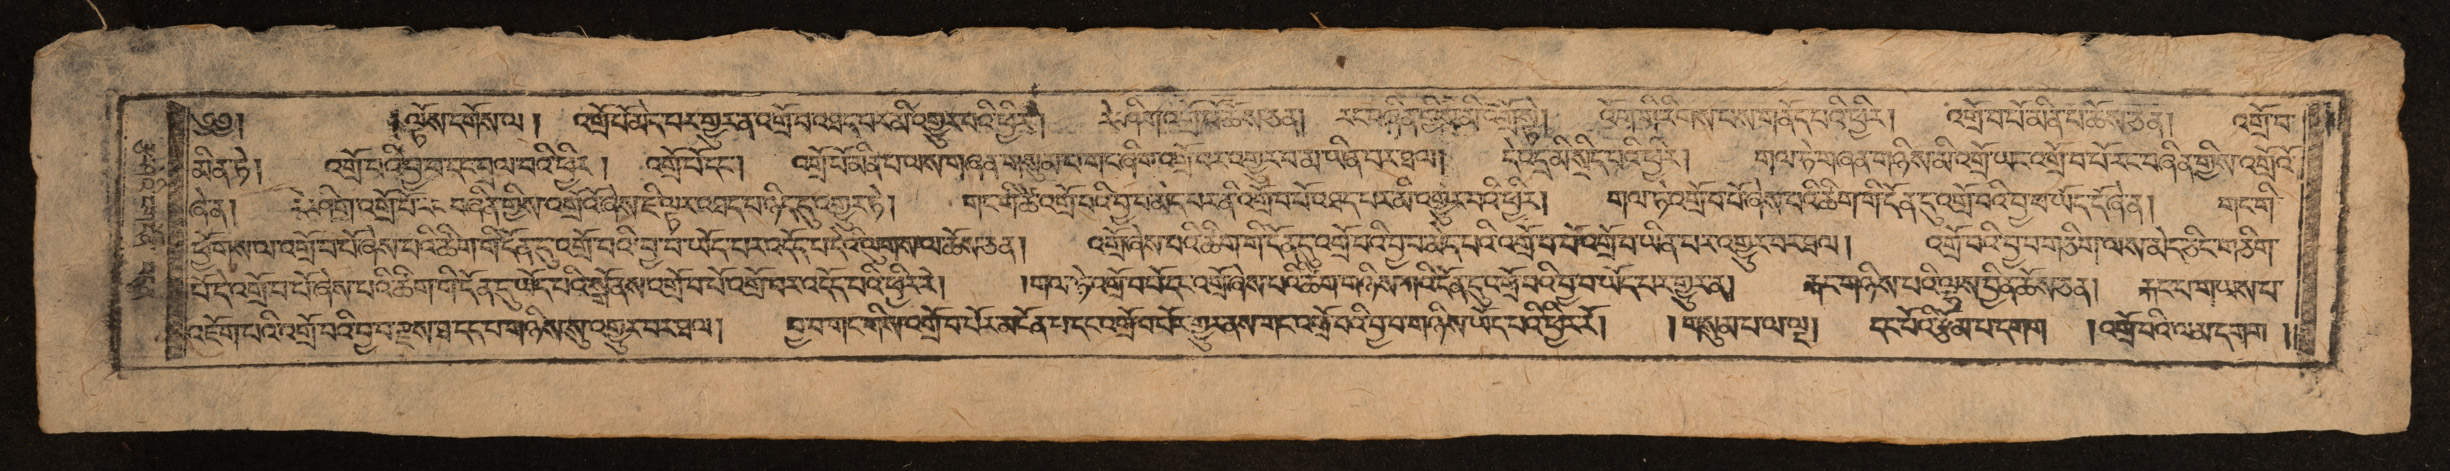༄༅། །ལྟོས་དགོས་ལ། འགྲོ་པོ་མེད་པར་གྱུར་ན་འགྲོ་བ་འཐད་པར་མི་འགྱུར་བའི་ཕྱིར། རེ་ཤིག་འགྲོ་པོ་ཆོས་ཅན། རང་བཞིན་གྱིས་མི་འགྲོ་སྟེ། འོག་གི་རིགས་པས་གནོད་པའི་ཕྱིར། འགྲོ་བ་པོ་མིན་པ་ཆོས་ཅན། འགྲོ་བ་
མིན་ཏེ། འགྲོ་བའི་བྱ་བ་དང་བྲལ་བའི་ཕྱིར། འགྲོ་པོ་དང་། འགྲོ་པོ་མིན་པ་ལས་གཞན་གསུམ་པ་གང་ཞིག་འགྲོ་བར་འགྱུར་བ་མ་ཡིན་པར་ཐལ། དེ་འདྲ་མི་སྲིང་བའི་ཕྱིར། གལ་ཏེ་གཞན་གཉིས་མི་འགྲོ་ཡང་འགྲོ་བ་པོ་རང་བཞིན་གྱིས་འགྲོའོ་
ཞེ་ན། རེ་ཤིག་འགྲོ་པོ་རང་བཞིན་གྱིས་འགྲོའོ་ཞེས་ཇི་ལྟར་འཐད་པ་ཉིད་དུ་འགྱུར་ཏེ། གང་གི་ཚེ་འགྲོ་བའི་བྱ་བ་མེད་པར་ནི་འགྲོ་བ་པོ་འཐད་པར་མི་འགྱུར་བའི་ཕྱིར། གལ་ཏེ་འགྲོ་བ་པོ་ཞེས་པའི་ཚིག་གི་དོན་དུ་འགྲོ་བའི་བྱ་བ་ཡོད་དོ་ཞེ་ན། གང་གི་
ཕྱོགས་ལ་འགྲོ་བ་པོ་ཞེས་པའི་ཚིག་གི་དོན་དུ་འགྲོ་བའི་བྱ་བ་ཡོད་པར་འདོད་པ་དེའི་ལུགས་ལ་ཆོས་ཅན། འགྲོ་ཞེས་པའི་ཚིག་གི་དོན་དུ་འགྲོ་བའི་བྱ་བ་མེད་པའི་འགྲོ་བ་པོ་འགྲོ་བ་ཡིན་པར་འགྱུར་བར་ཐལ། འགྲོ་བའི་བྱ་བ་གཅིག་ལས་མེད་ཅིང་གཅིག་
པོ་དེ་འགྲོ་བ་པོ་ཞེས་པའི་ཚིག་གི་དོན་དུ་ཡོད་པའི་སྒོ་ནས་འགྲོ་བ་པོ་འགྲོ་བར་འདོད་པའི་ཕྱིར་རེ། །གལ་ཏེ་འགྲོ་བ་པོ་དང་འགྲོ་ཞེས་པའི་ཚིག་གཉིས་ཀའི་དོན་དུ་འགྲོ་བའི་བྱ་བ་ཡོད་པར་གྱུར་ན། རྐང་གཉིས་པའི་ལྷས་བྱིན་ཆོས་ཅན། རྐང་པ་གཡས་པ་
འཇོག་པའི་འགྲོ་བའི་བྱ་བ་རྫས་ཐ་དད་པ་གཉིས་སུ་འགྱུར་བར་ཐལ། བྱ་བ་གང་གིས་འགྲོ་བ་པོར་མངོན་པ་དང་འགྲོ་བ་པོར་གྱུར་ནས་གང་འགྲོ་བའི་བྱ་བ་གཉིས་ཡོད་པའི་ཕྱིར་རོ། །གསུམ་པ་ལ་ལྔ། དང་པོའི་རྩོམ་པ་དགག །འགྲོ་བའི་ལམ་དགག །